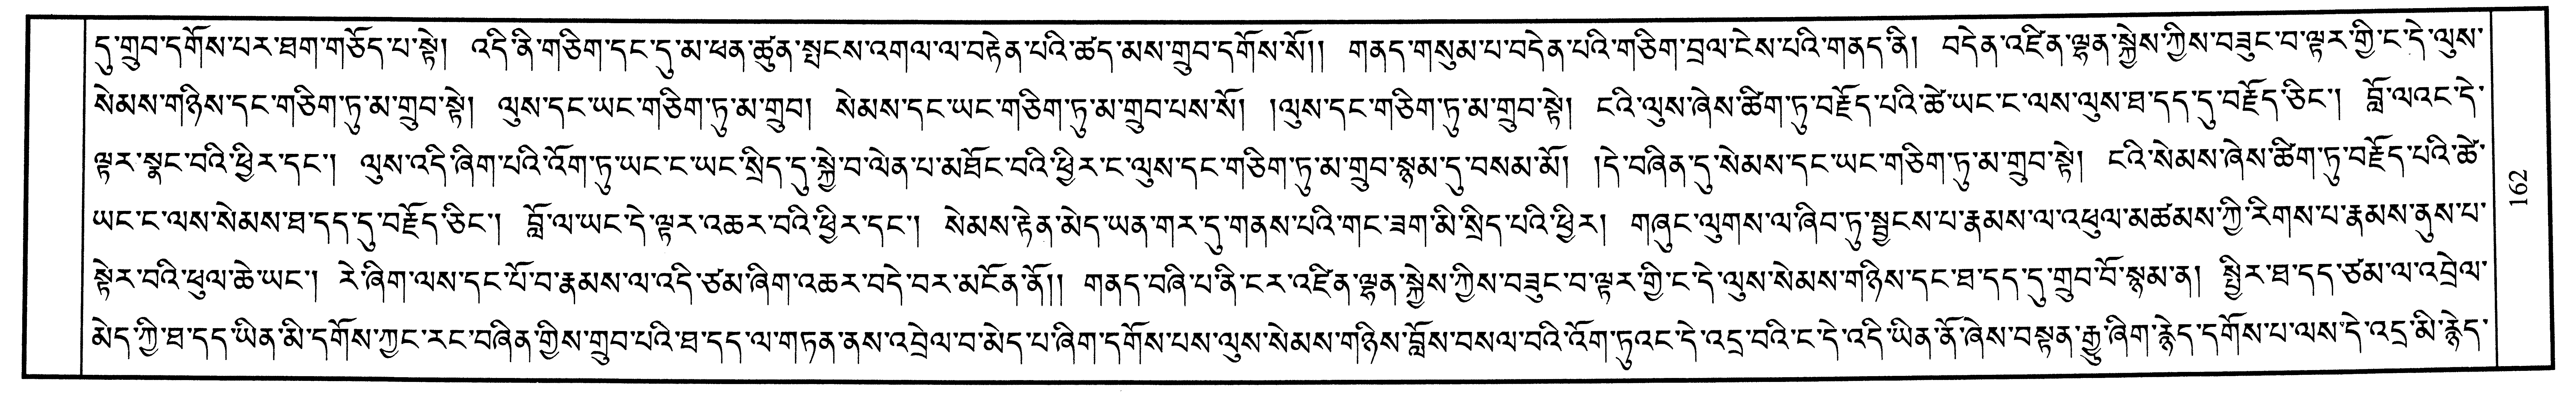དུ་གྲུབ་དགོས་པར་ཐག་གཅོད་པ་སྟེ། འདི་ནི་གཅིག་དང་དུ་མ་ཕན་ཚུན་སྤངས་འགལ་ལ་བརྟེན་པའི་ཚད་མས་གྲུབ་དགོས་སོ།། གནད་གསུམ་པ་བདེན་པའི་གཅིག་བྲལ་ངེས་པའི་གནད་ནི། བདེན་འཛིན་ལྷན་སྐྱེས་ཀྱིས་བཟུང་བ་ལྟར་གྱི་ང་དེ་ལུས་
སེམས་གཉིས་དང་གཅིག་ཏུ་མ་གྲུབ་སྟེ། ལུས་དང་ཡང་གཅིག་ཏུ་མ་གྲུབ། སེམས་དང་ཡང་གཅིག་ཏུ་མ་གྲུབ་པས་སོ། །ལུས་དང་གཅིག་ཏུ་མ་གྲུབ་སྟེ། ངའི་ལུས་ཞེས་ཚིག་ཏུ་བརྗོད་པའི་ཚེ་ཡང་ང་ལས་ལུས་ཐ་དད་དུ་བརྗོད་ཅིང་། བློ་ལའང་དེ་
ལྟར་སྣང་བའི་ཕྱིར་དང་། ལུས་འདི་ཞིག་པའི་འོག་ཏུ་ཡང་ང་ཡང་སྲིད་དུ་སྐྱེ་བ་ལེན་པ་མཐོང་བའི་ཕྱིར་ང་ལུས་དང་གཅིག་ཏུ་མ་གྲུབ་སྙམ་དུ་བསམ་མོ། །དེ་བཞིན་དུ་སེམས་དང་ཡང་གཅིག་ཏུ་མ་གྲུབ་སྟེ། ངའི་སེམས་ཞེས་ཚིག་ཏུ་བརྗོད་པའི་ཚེ་
ཡང་ང་ལས་སེམས་ཐ་དད་དུ་བརྗོད་ཅིང་། བློ་ལ་ཡང་དེ་ལྟར་འཆར་བའི་ཕྱིར་དང་། སེམས་རྟེན་མེད་ཡན་གར་དུ་གནས་པའི་གང་ཟག་མི་སྲིད་པའི་ཕྱིར། གཞུང་ལུགས་ལ་ཞིབ་ཏུ་སྦྱངས་པ་རྣམས་ལ་འཕུལ་མཚམས་ཀྱི་རིགས་པ་རྣམས་ནུས་པ་
སྟེར་བའི་ཕུལ་ཆེ་ཡང་། རེ་ཞིག་ལས་དང་པོ་བ་རྣམས་ལ་འདི་ཙམ་ཞིག་འཆར་བདེ་བར་མངོན་ནོ།། གནད་བཞི་པ་ནི་ངར་འཛིན་ལྷན་སྐྱེས་ཀྱིས་བཟུང་བ་ལྟར་གྱི་ང་དེ་ལུས་སེམས་གཉིས་དང་ཐ་དད་དུ་གྲུབ་བོ་སྙམ་ན། སྤྱིར་ཐ་དད་ཙམ་ལ་འབྲེལ་
མེད་ཀྱི་ཐ་དད་ཡིན་མི་དགོས་ཀྱང་རང་བཞིན་གྱིས་གྲུབ་པའི་ཐ་དད་ལ་གཏན་ནས་འབྲེལ་བ་མེད་པ་ཞིག་དགོས་པས་ལུས་སེམས་གཉིས་བློས་བསལ་བའི་འོག་ཏུའང་དེ་འདྲ་བའི་ང་དེ་འདི་ཡིན་ནོ་ཞེས་བསྟན་རྒྱུ་ཞིག་རྙེད་དགོས་པ་ལས་དེ་འདྲ་མི་རྙེད་